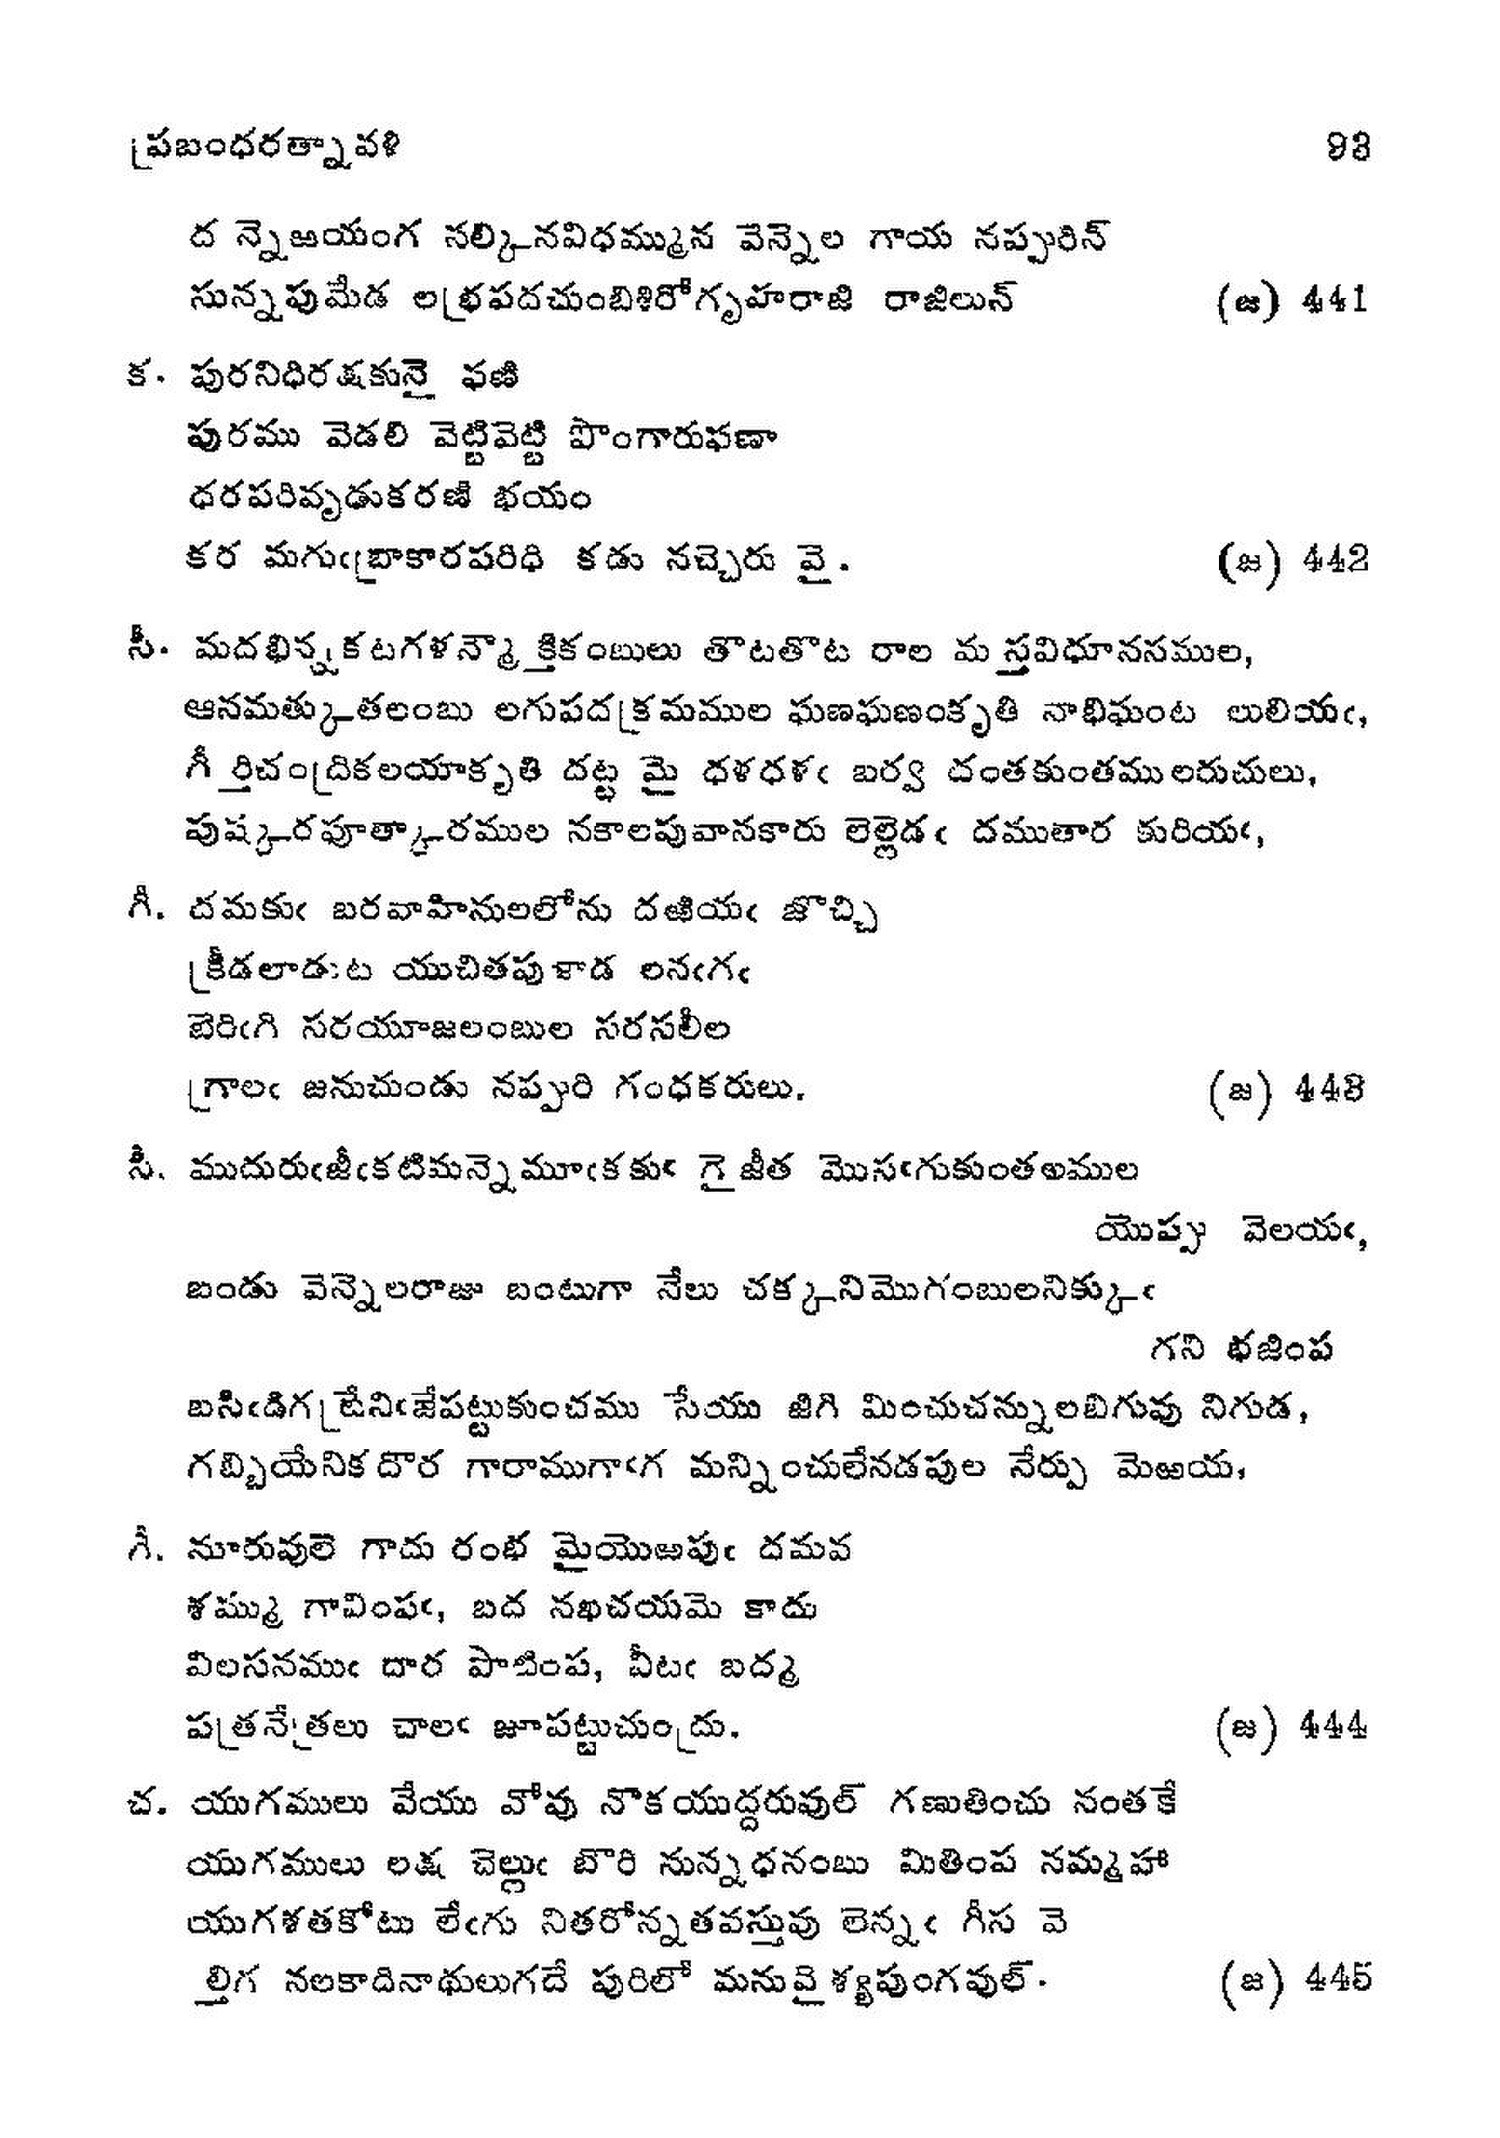ద న్నెఱయంగ నల్కినవిధమ్మున వెన్నెల గాయ నప్పురిన్
సున్నపుమేడ లభ్రపద చుంబిశిరోగృహరాజి రాజిలున్. (జ) 441

క. పురనిధిరక్షకునై ఫణి
పురము వెడలి వెట్టివెట్టి పొంగారు ఫణా
ధర పరివృఢుకరణి భయం
కరమగుఁ బ్రాకారపరిథి కడు నచ్చెరువై. (జ) 442

సీ. మదభిన్నకటగళన్మౌక్తికంబులు తొట తొట రాల మస్తవిధూననముల
ఆనమత్కుతలంబులగు పదక్రమముల ఘణఘణంకృతి నాభిఘంట లులియఁ
గీర్తిచంద్రికలయాకృతి దట్టమై దళ దళఁ బర్వ దంతకుంతముల రుచులు
పుష్కరఫూత్కారముల నకాలపు వాన కారు లెల్లెడఁ దము తార కురియఁ
గీ. దమకుఁ బరవాహినులలోను దఱియఁ జొచ్చి
క్రీడలాడుట యుచితపుజాడ లనఁగఁ
బెరిఁగి సరయూజలంబుల సరసలీల
గ్రాలఁ జనుచుండు నప్పురి గంధకరులు. (జ) 443

సీ. ముదురుఁజీకఁటిమన్నెమూఁకకుఁ గై జీత మొసఁగు కుంతలముల యొప్పు వెలయుఁ
బండు వెన్నెలరాజు బంటుగా నేలు చ క్కని మొగంబుల నిక్కుఁ గని భజింపఁ
బసిఁడిగట్రేనిఁజేపట్టుకుంచము సేయు జిగిమించు చన్నులబిగువు నిగుడ
గబ్బియేనిక దొర గారాముగాఁగ మ న్నించులేనడపుల నేర్పు మెఱయ
తే. నూరువులె గాదు? రంభ మైయొఱపుఁ దమ వ
శంబు గావింపఁ, బద నఖచయమె కాదు
విలసనముఁ దార పాటింప వీటఁ బద్మ
పత్రనేత్రలు చాలఁ జూపట్టుచుంద్రు. (జ) 444

చ. యుగములు వేయు వోవు నొకయుద్దరువుల్ గణుతించు నంతకే
యుగములు లక్ష చెల్లుఁ బొరి నున్నధనంబు మితింప నమ్మహా
యుగశతకోటు లేఁగు నితరోన్నతవస్తువులెన్నఁ గీస వె
ల్తిగ నలకాదినాథులు గదే పురిలో మను వైశ్యపుంగవుల్ (జ) 445